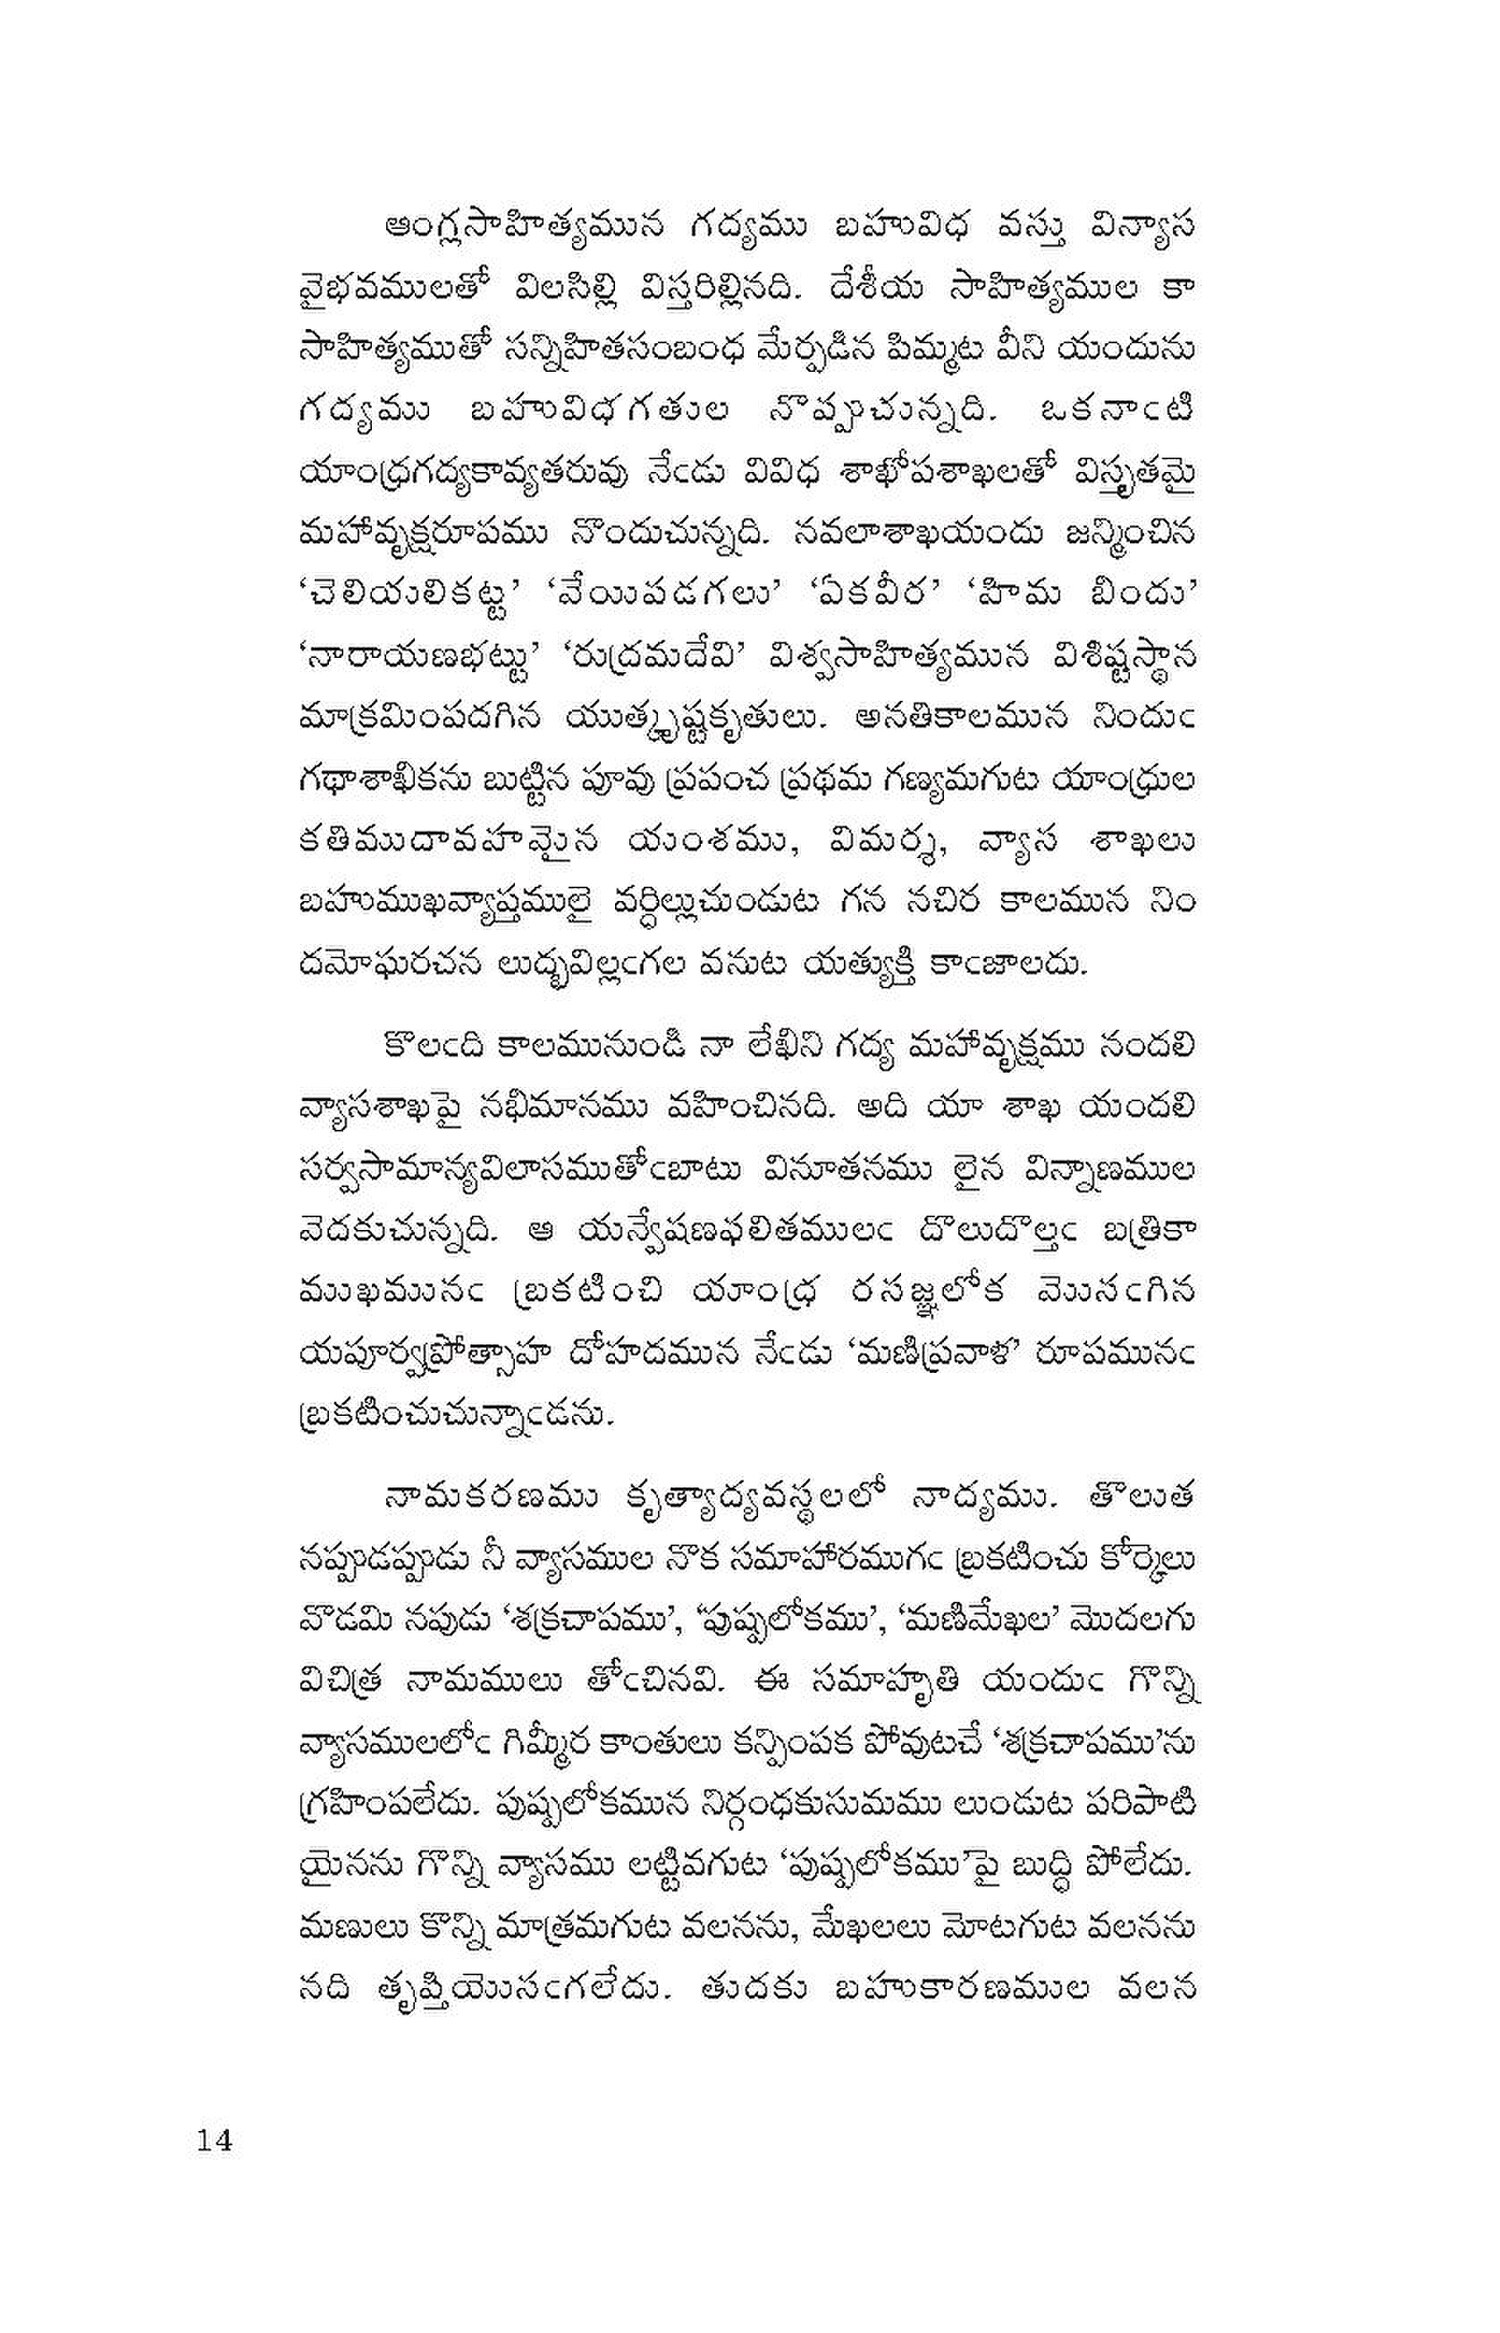ఆంగ్లసాహిత్యమున గద్యము బహువిధ వస్తు విన్యాస వైభవములతో విలసిల్లి విస్తరిల్లినది. దేశీయ సాహిత్యముల కా
సాహిత్యముతో సన్నిహితసంబంధ మేర్పడిన పిమ్మట వీని యందును గద్యము బహువిధగతులు నొప్పుచున్నది. ఒకనాఁటి
యాంధ్రగద్యకావ్యతరువు నేఁడు వివిధ శాఖోపశాఖలతో విస్తృతమై మహావృక్షరూపము నొందుచున్నది. నవలాశాఖయందు జన్మించిన 'చెలియలికట్ట' 'వేయిపడగలు' 'ఏకవీర' 'హిమ బిందు' ‘నారాయణభట్టు' 'రుద్రమదేవి' విశ్వసాహిత్యమున విశిష్టస్థాన మాక్రమింపదగిన యుత్కృష్టకృతులు. అనతికాలమున నిందుఁ గథాశాఖికను బుట్టిన పూవు ప్రపంచ ప్రథమ గణ్యమగుట యాంధ్రుల కతిముదావహమైన యంశము, విమర్శ, వ్యాస శాఖలు బహుముఖవ్యాప్తములై వర్ధిల్లుచుండుట గన నచిర కాలమున నిం దమోఘరచన లుద్భవిల్లఁగల వనుట యత్యుక్తి కాఁజాలదు.

కొలఁది కాలమునుండి నా లేఖిని గద్య మహావృక్షము నందలి వ్యాసశాఖపై నభిమానము వహించినది. అది యా శాఖ యందలి
సర్వసామాన్యవిలాసముతోఁబాటు వినూతనము లైన విన్నాణముల వెదకుచున్నది. ఆ యన్వేషణఫలితములఁ దొలుదొల్తఁ బత్రికా ముఖమునఁ బ్రకటించి యాంధ్ర రసజ్ఞలోక మొనఁగిన యపూర్వప్రోత్సాహ దోహదమున నేఁడు 'మణిప్రవాళ' రూపమునఁ
బ్రకటించుచున్నాఁడను.

నామకరణము కృత్యాద్యవస్థలలో నాద్యము. తొలుత నప్పుడప్పుడు నీ వ్యాసముల నొక సమాహారముగఁ బ్రకటించు కోర్కెలు
వొడమి నపుడు 'శక్రచాపము', 'పుష్పలోకము', 'మణిమేఖల' మొదలగు విచిత్ర నామములు తోఁచినవి. ఈ సమాహృతి యందుఁ గొన్ని వ్యాసములలోఁ గిమ్మీర కాంతులు కన్పింపక పోవుటచే ‘శక్రచాపము”ను గ్రహింపలేదు. పుష్పలోకమున నిర్గంధకుసుమము లుండుట పరిపాటి యైనను గొన్ని వ్యాసము లట్టివగుట 'పుష్పలోకము'పై బుద్ధి పోలేదు. మణులు కొన్ని మాత్రమగుట వలనను, మేఖలలు మోటగుట వలనను నది తృప్తి యొసఁగలేదు. తుదకు బహుకారణముల వలన